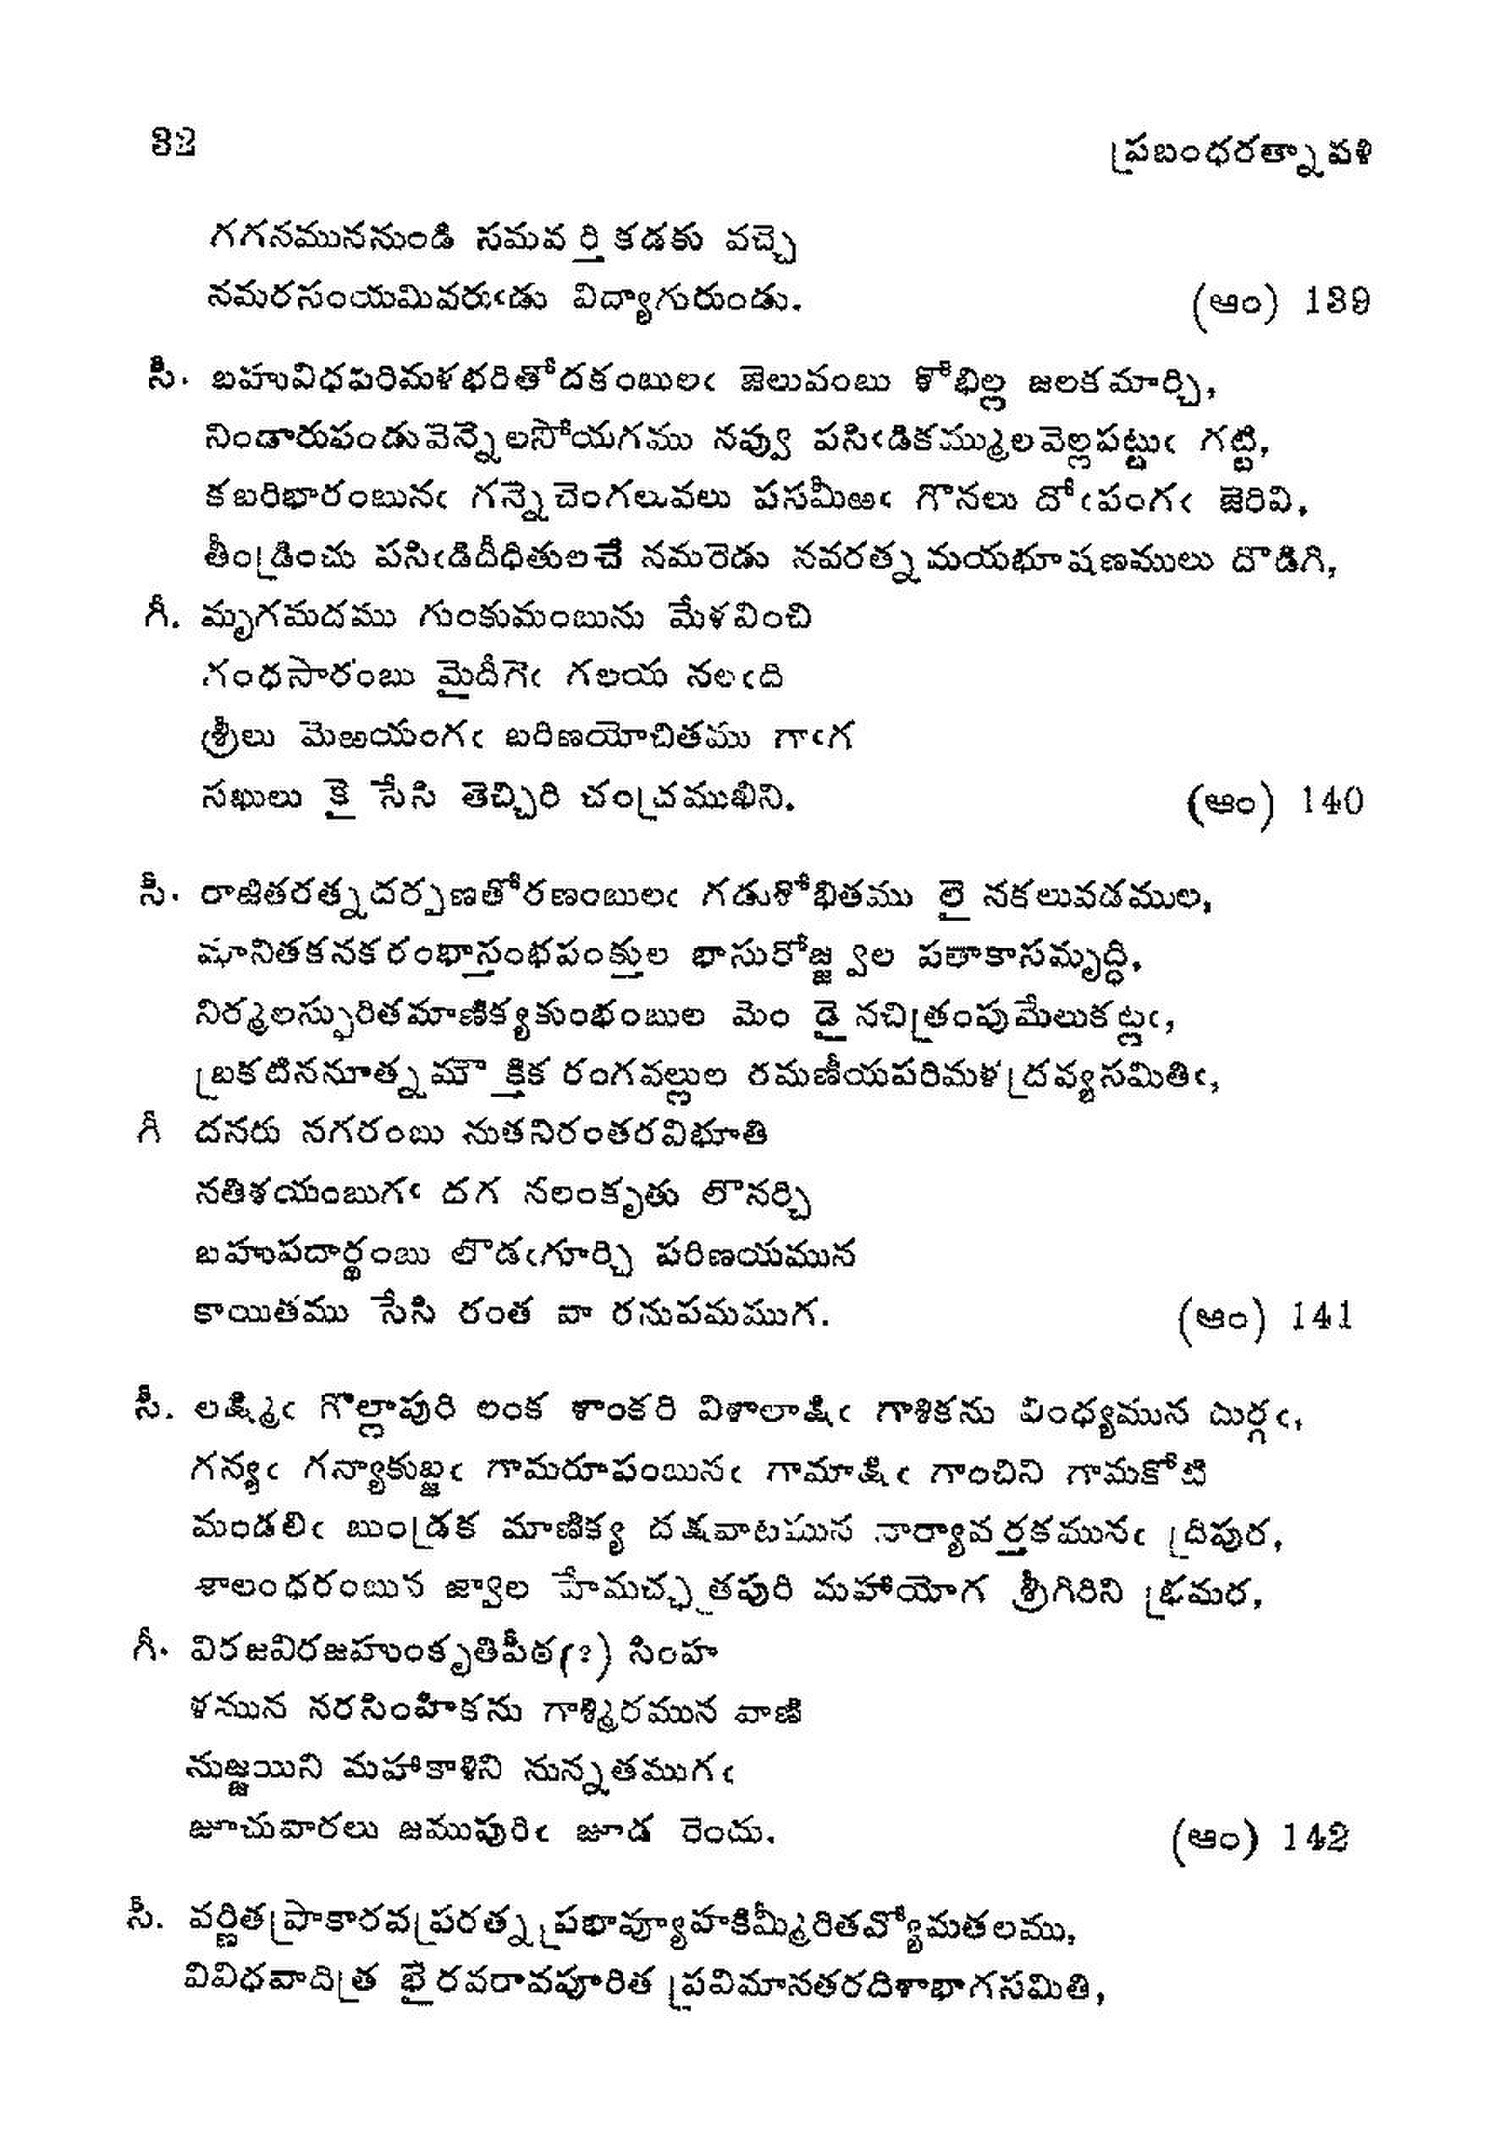గగనముననుండి సమవర్తి కడకు వచ్చె
నమరసంయమివరుఁడు విద్యాగురుండు. (ఆం) 139

సీ. బహువిధపరిమళభరితోదకంబులఁ జెలువంబు శోభిల్ల జలకమార్చి
నిండారు పండువెన్నెల సోయగము నవ్వు పసిఁడికమ్ముల వెల్లపట్టుఁ గట్టి
కబరిభారంబునఁ గన్నెచెంగలువలు పస మీఱఁ గొనలుఁ దోఁపంగఁ జెరివి
తీండ్రించు పసిఁడిదీధితులచే నమరెడు నవరత్నమయభూషణములుఁ దొడిగి
గీ. మృగమదముఁ గుంకుమంబును మేళవించి
గంధసారంబు మైఁదీఁగెఁ గలయ నలఁది
శ్రీలు మెఱయంగఁ బరిణయోచితముఁ గాఁగ
సఖులు కైసేసి తెచ్చిరి చంద్రముఖిని. (ఆం) 140

సీ. రాజితరత్నదర్పణతోరణంబులఁ గడుశోభితములైన కలువడముల
మానితకనకరంభాస్తంభపంక్తుల భాసురోజ్జ్వలపతాకాసమృద్ధి
నిర్మలస్ఫురితమాణిక్యకుంభంబుల మెండైన చిత్రంపు మేలుకట్లఁ
బ్రకటిత నూత్నమౌక్తికరంగవల్లుల రమణీయపరిమళద్రవ్యసమితిఁ
తే. దనరు నగరంబు నుతనిరంతరవిభూతి
నతిశయంబుఁగఁ దగ నలంకృతు లొనర్చి
బహుపదార్థంబు లొడఁగూర్చి పరిణయమున
కాయితము సేసి రంత వా రనుపమముఁగ. (ఆం) 141

సీ. లక్ష్మిఁ గొల్లాపురి లంక శాంకరి విశాలాక్షిఁ గాశికను వింధ్యమున దుర్గఁ
గన్యఁ గన్యాకుబ్జఁ గామరూపంబునఁ గామాక్షిఁ గాంచిని గామకోటి
మండలిఁ బుండ్రక మాణిక్య దక్షవాటమున నార్యావర్తకమునఁ ద్రిపుర
జాలంధరంబున జ్వాల హేమచ్ఛత్రపురి మహాయోగ శ్రీగిరిని భ్రమర
గీ. విరజవిరజహుంకృతిపీఠ[?] సింహ
ళమున నరసింహికనుఁ గాశ్మిరమున వాణి
నుజ్జయిని మహాకాళిని నున్నతముఁగఁ
జూచువారలు జముపురిఁ జూడరెందు. (ఆం) 142

సీ. వర్ణితప్రాకారవప్రరత్నప్రభావ్యూహకిమ్మీరితవ్యోమతలము
వివిధవాదిత్రభైరవరావపూరిత ప్రవిమానతరదిశాభాగసమితి